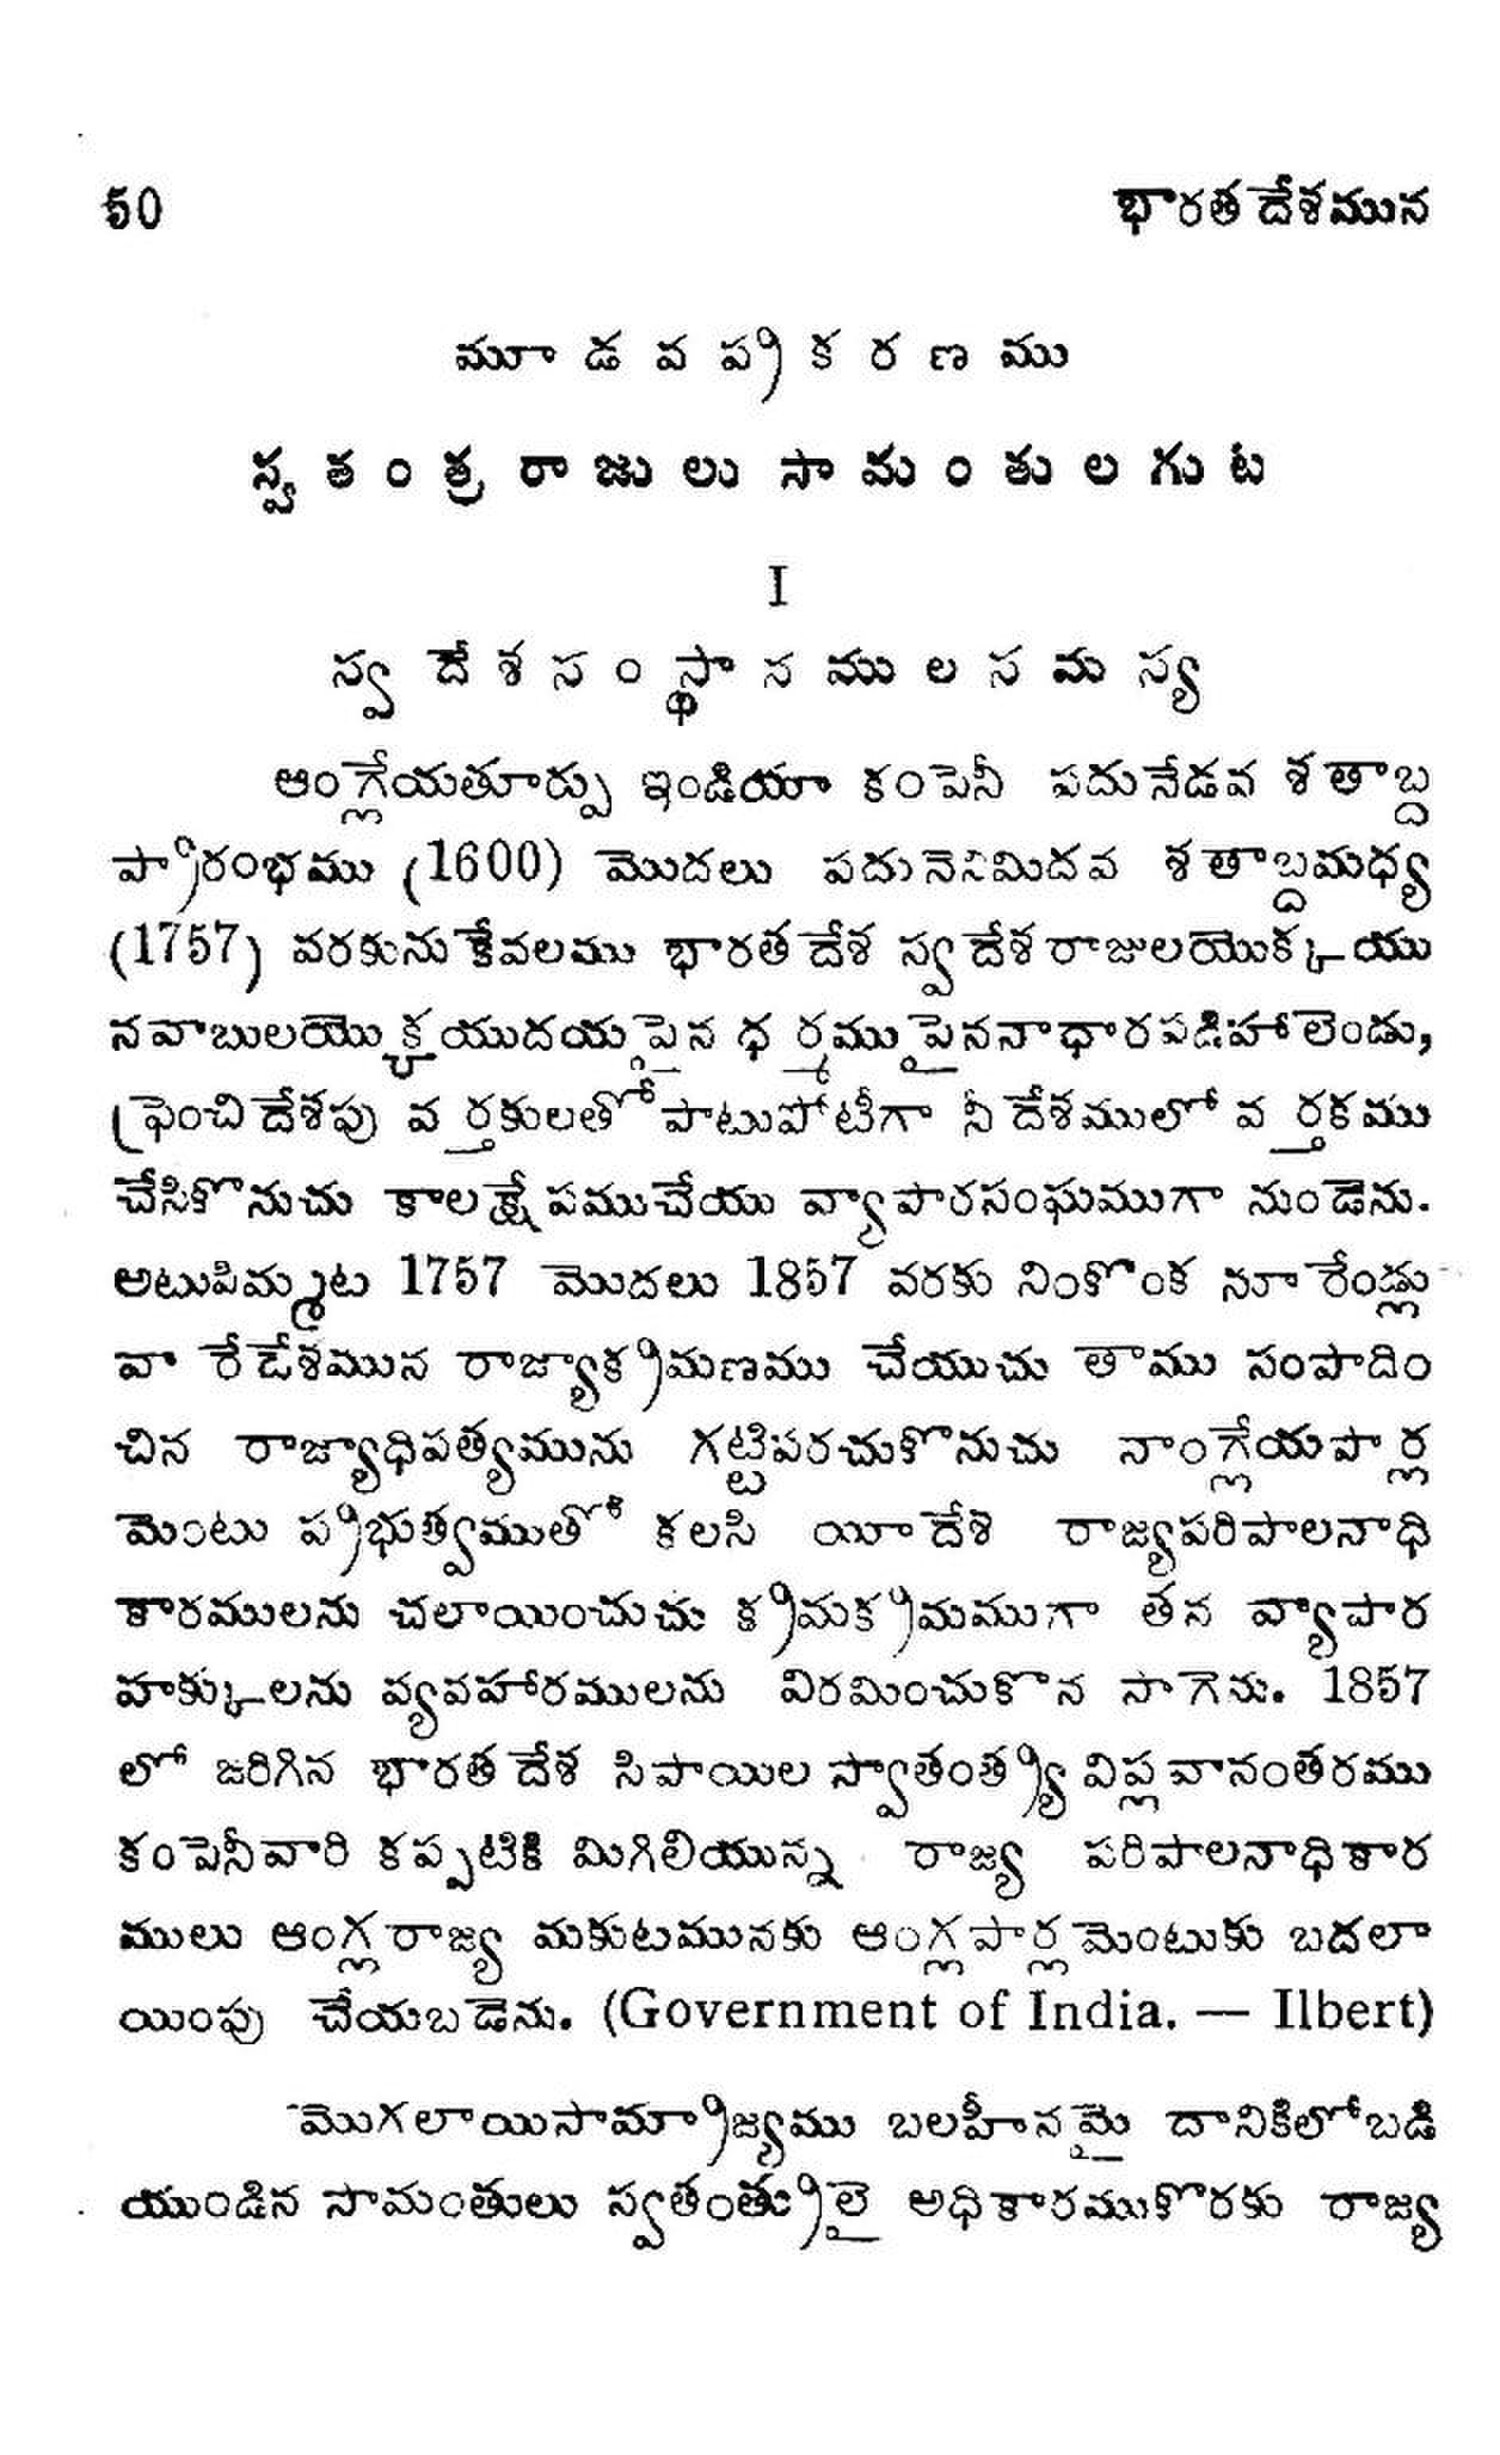మూడవప్రకరణము 
స్వతంత్రరాజులు సామంతులగుట
I
స్వదేశసంస్థానములసమస్య

ఆంగ్లేయతూర్పు ఇండియా కంపెనీ పదునేడవ శతాబ్ద ప్రారంభము (1600) మొదలు పదునెనిమిదవ శతాబ్దమధ్య (1757) వరకును కేవలము భారతదేశ స్వదేశరాజులయొక్కయు నవాబులయొక్కయుదయపైన ధర్మముపైన నాధారపడిహాలెండు, ఫ్రెంచిదేశపు వర్తకులతోపాటుపోటీగా నీదేశములో వర్తకము చేసికొనుచు కాలక్షేపముచేయు వ్యాపారసంఘముగా నుండెను. అటుపిమ్మట 1757 మొదలు 1857 వరకు నింకొంక నూరేండ్లు వా రేదేశమున రాజ్యాక్రమణము చేయుచు తాము సంపాదించిన రాజ్యాధిపత్యమును గట్టిపరచుకొనుచు నాంగ్లేయపార్లమెంటు ప్రభుత్వముతో కలసి యీదేశ రాజ్యపరిపాలనాధికారములను చలాయించుచు క్రమక్రమముగా తన వ్యాపార హక్కులను వ్యవహారములను విరమించుకొన సాగెను. 1857 లో జరిగిన భారతదేశ సిపాయిల స్వాతంత్య విప్లవానంతరము కంపెనీవారి కప్పటికి మిగిలియున్న రాజ్య పరిపాలనాధికారములు ఆంగ్లరాజ్య మకుటమునకు ఆంగ్లపార్లమెంటుకు బదలాయింపు చేయబడెను. (Government of India. - Ilbert)

మొగలాయిసామ్రాజ్యము బలహీనమై దానికిలోబడి యుండిన సామంతులు స్వతంత్రులై అధికారముకొరకు రాజ్య